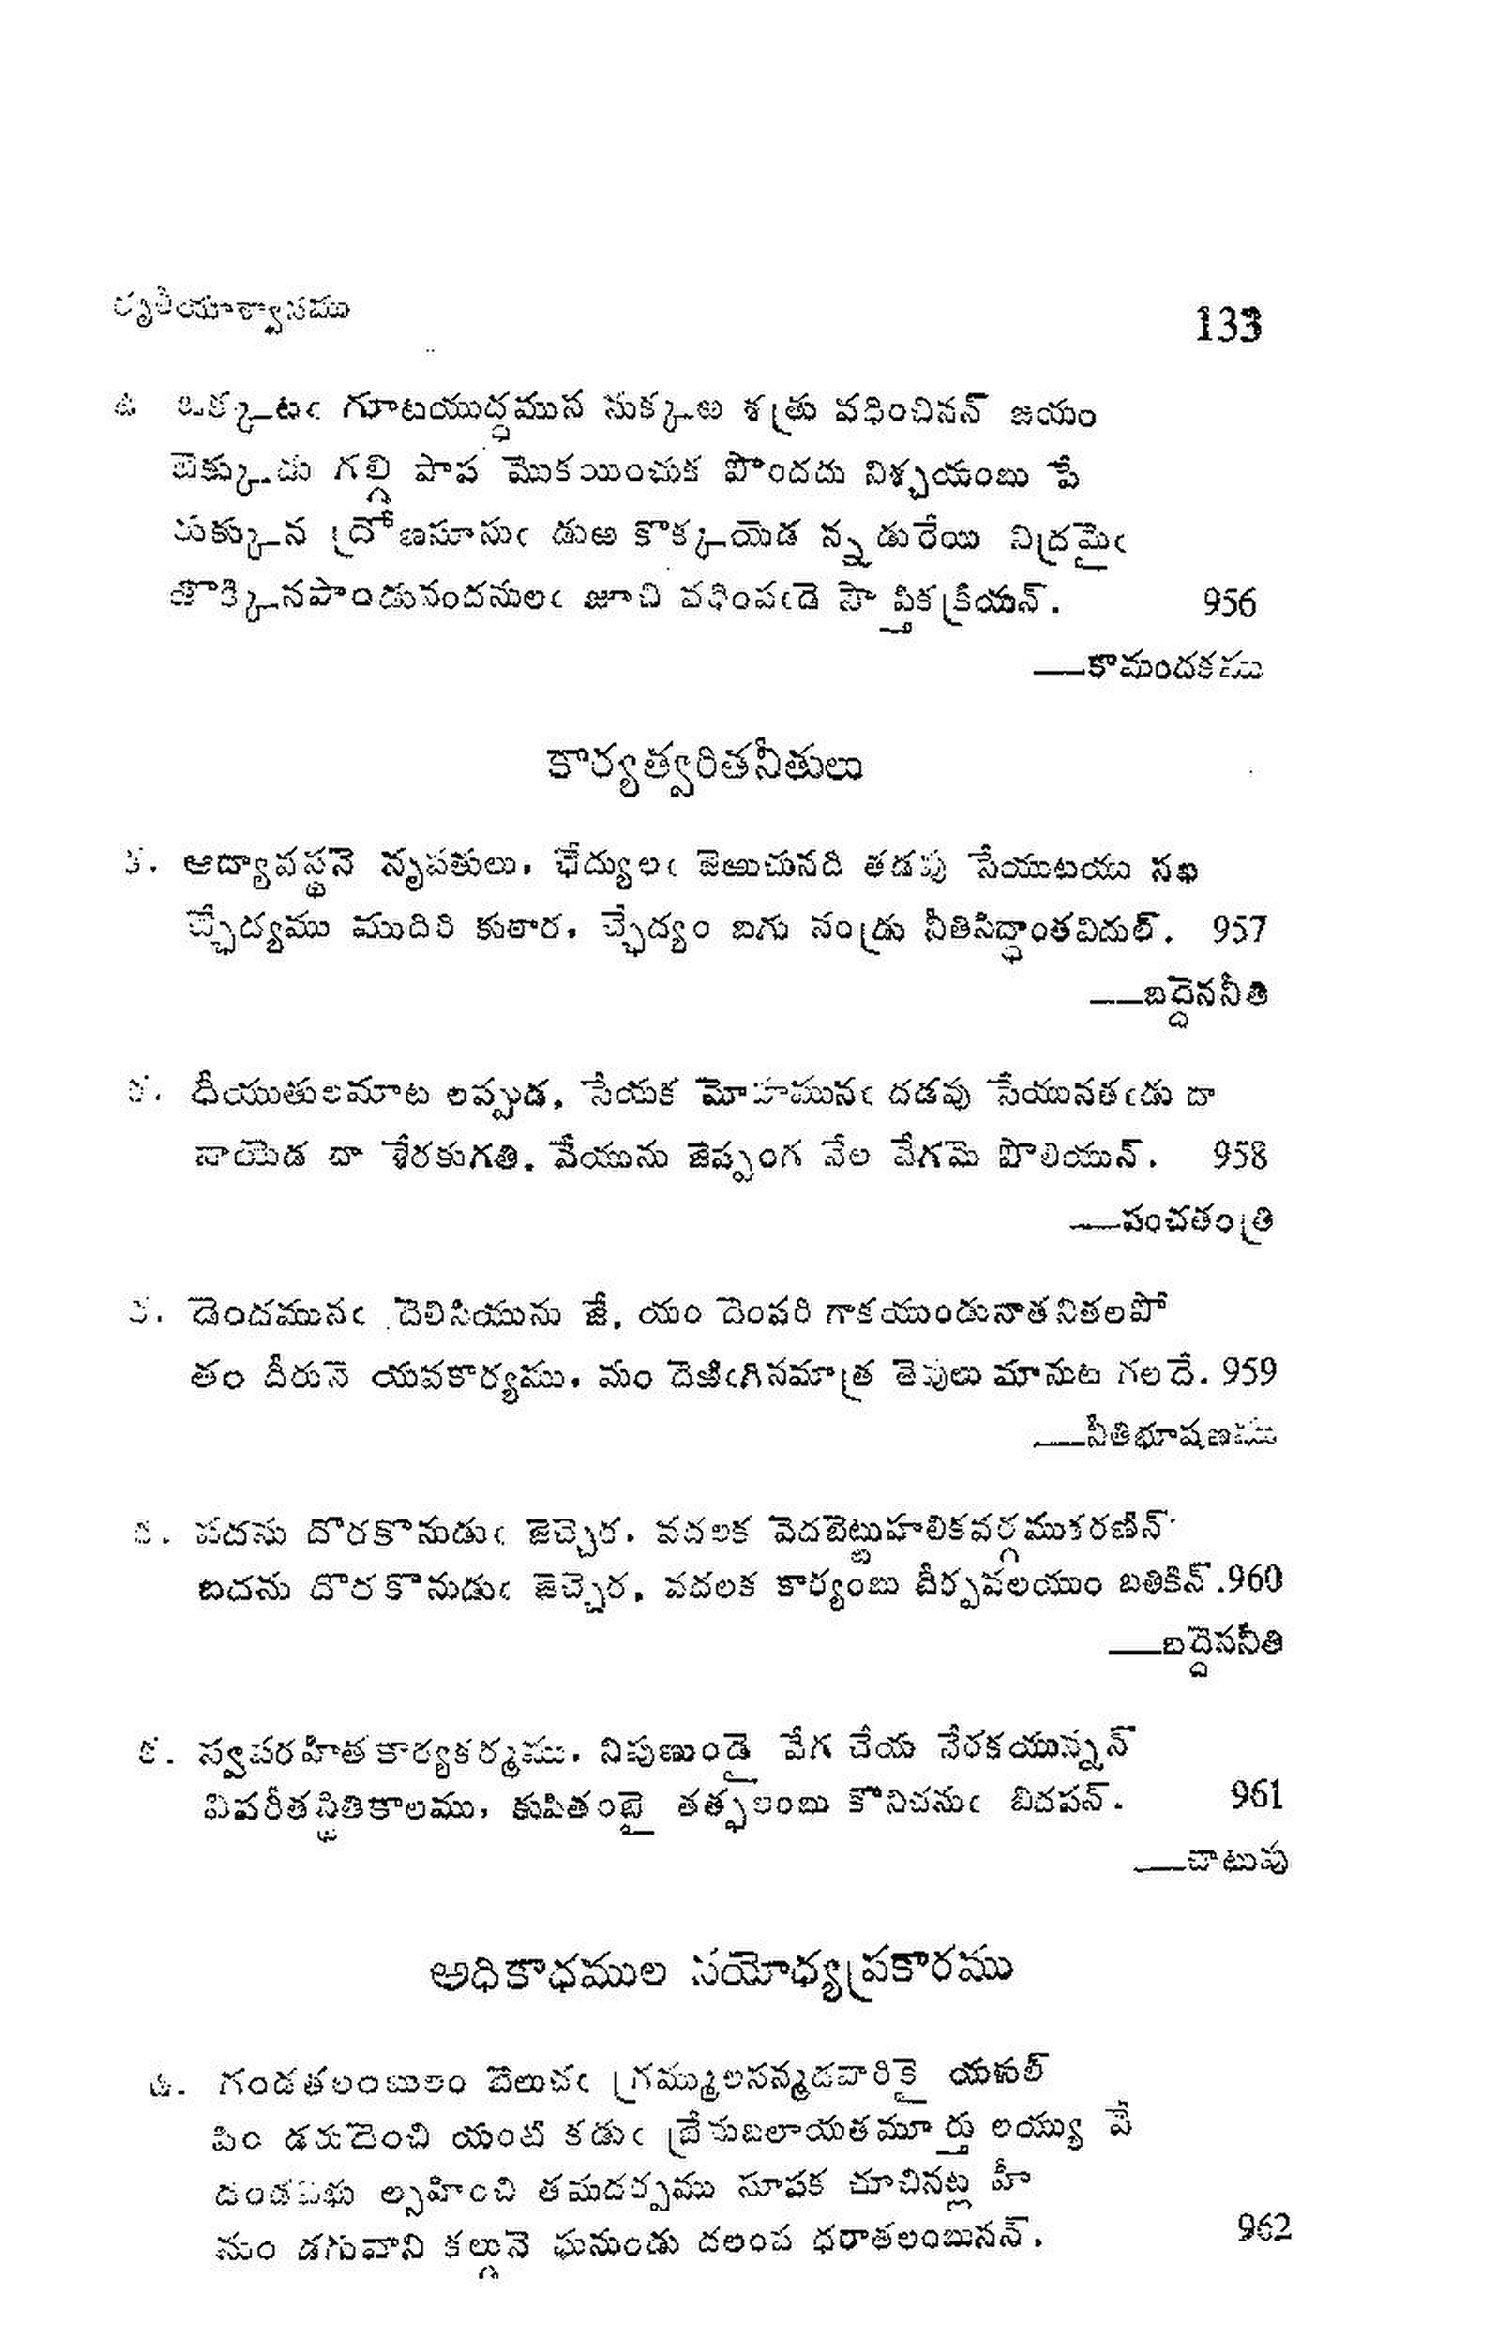ఉ. ఒక్కటఁ గూటయుద్ధమున నుక్కఱ శత్రు వధించినన్ జయం
బెక్కుడు గల్గి పాప మొకయించుక పొందదు నిశ్చయంబు పే
రుక్కున ద్రోణసుతుఁ డుఱ కొక్కయెడ న్నడురేయి నిద్రమైఁ
జొక్కిన పాండునందనులఁ జూచి వధింపఁడె సౌప్తికక్రియన్. 956

క. ఆద్యావస్థనె నృపతులు
ఛేద్యులఁ జెఱుచునది తడవు సేయుటయు నఖ
చ్ఛేద్యము ముదిరి కుఠార
చ్ఛేద్యం బగు నండ్రు నీతిసిద్ధాంతవిదుల్. 957

క. ధీయుతులమాట లప్పుడ
సేయక మోహమునఁ దడవు సేయునతఁడు దా
నాయెడ దా శేరకుగతి
వేయును జెప్పంగ నేల వేగమె పొలియున్ 958

క. డెందమునఁ దెలిసియును జే
యం దెంపరి గాకయుండు నాతని తలపో
తం దీరునె యవకార్యము
మం దెఱిఁగినమాత్ర తెవులు మానుట గలదే 959

క. పదను దొరకొనుడుఁ జెచ్చెర
వదలక వెదబెట్టు హలికవర్గముకరణిన్
బదను దొరకొనుడుఁ జెచ్చెర
వదలక కార్యంబు దీర్పవలయుం బతికిన్. 960

క. స్వపరహితకార్యకర్మము
నిపుణుండై వేగ చేయ నేరకయున్నన్
విపరీతస్థితికాలము
కుపితంబై తత్ఫలంబు కొనిచనుఁ బిదపన్. 961

ఉ. గండతలంబులం బెలుచఁ గ్రమ్ములసన్మదవారికై యశుల్
పిం డరుదెంచి యంటి కడుఁ బ్రేమబలాయతమూర్తు లయ్యు వే
దండవిభు ల్సహించి తమదర్పము సూపక చూచినట్ల హీ
నుం డగువాని కల్గునె ఘనుండు దలంప ధరాతలంబునన్. 962